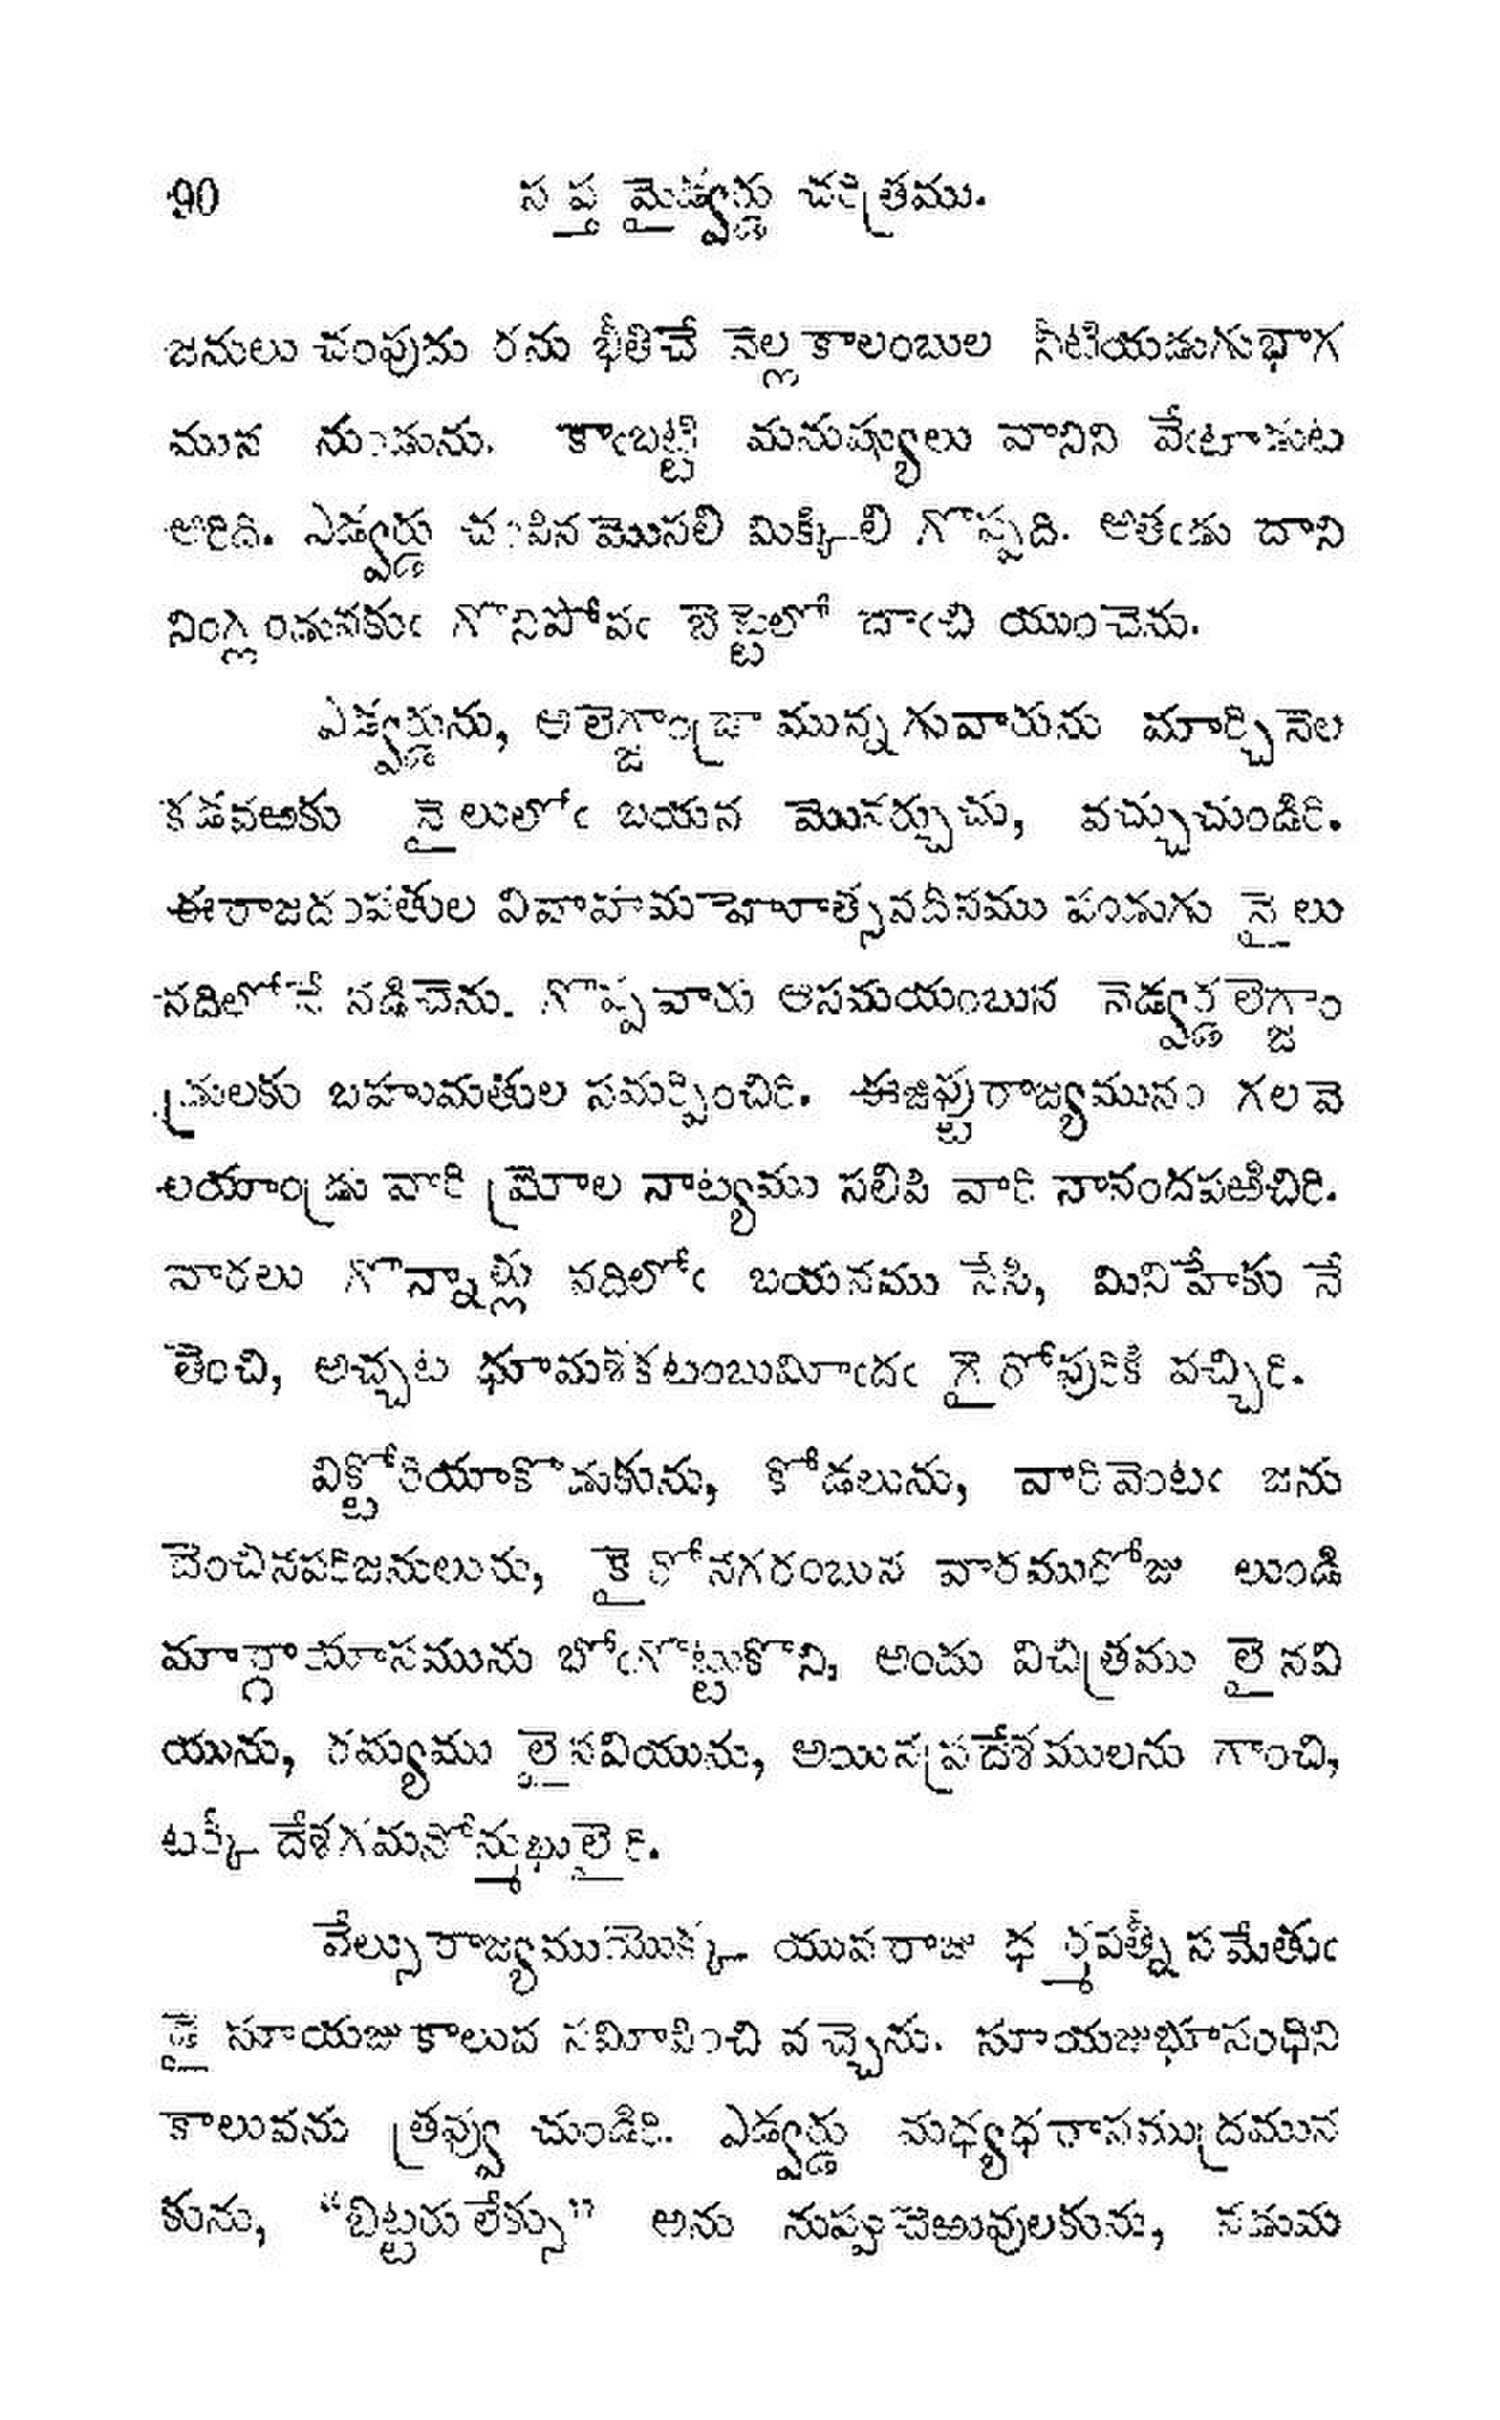జనులు చంపుదురను భీతిచే నెల్ల కాలంబుల నీటియడుగు భాగమున నుండును. కాబట్టి మనుష్యులు వానిని వేఁటాడుట అరిది. ఎడ్వర్డు చంపిన మొసలి మిక్కిలి గొప్పది. అతఁడు దాని
నింగ్లండునకుఁ గొనిపోవఁ బెట్టెలో దాఁచి యుంచెను.

ఎడ్వర్డును, ఆ లెగ్జాండ్రా మున్నగువారును మార్చి నెలకడవఱకు నైలులోఁ బయన మొనర్చుచు, వచ్చుచుండిరి. ఈ రాజదంపతుల వివాహమహోత్సవ దిసము పండుగు నైలు
నదిలోనే నడిచెను. గొప్పవారు. ఆ సమయంబున నెడ్వర్డ లెగ్జాడ్రులకు బహుమతుల సమర్పించిరి. ఈజిప్టు రాజ్యమును గల వెలయాండ్రు వారి మ్రోల నాట్యము సలిపి వారి నానందపఱిచిరి.
వారలు కొన్నాళ్లు నదిలోఁ బయనము సేసి, మిని హేకు నేతెంచి, అచ్చట ధూమశకటంబు మీఁదఁ గైరో పురికి వచ్చిరి.

విక్టోరియా కొడుకును, కోడలును, వారి వెంటఁ జనుదెంచిస పరిజనులును, కెరో నగరంబున వారమురోజు లుండి మార్గాయాసమును బోఁగొట్టుకొని, అందు విచిత్రము లైనవి
యును, రమ్యము 'లైనవియును, అయిన ప్రదేశములను గాంచి,టర్కీ దేశ గమనోన్ముఖులైరి .

వేల్సు రాజ్యము యొక్క యువ రాజు ధర్మపత్నీ సమేతుఁడై సూయజు కాలువ సమీపించి వచ్చెను. సూయజుభూ సంధిని కాలువను త్రవ్వు చుండిరి. ఎడ్వర్డు మధ్యధరా సముద్రమునకును, “బిట్టరు లేక్సు" అను నుప్పు చెరువులకును, నడుమ